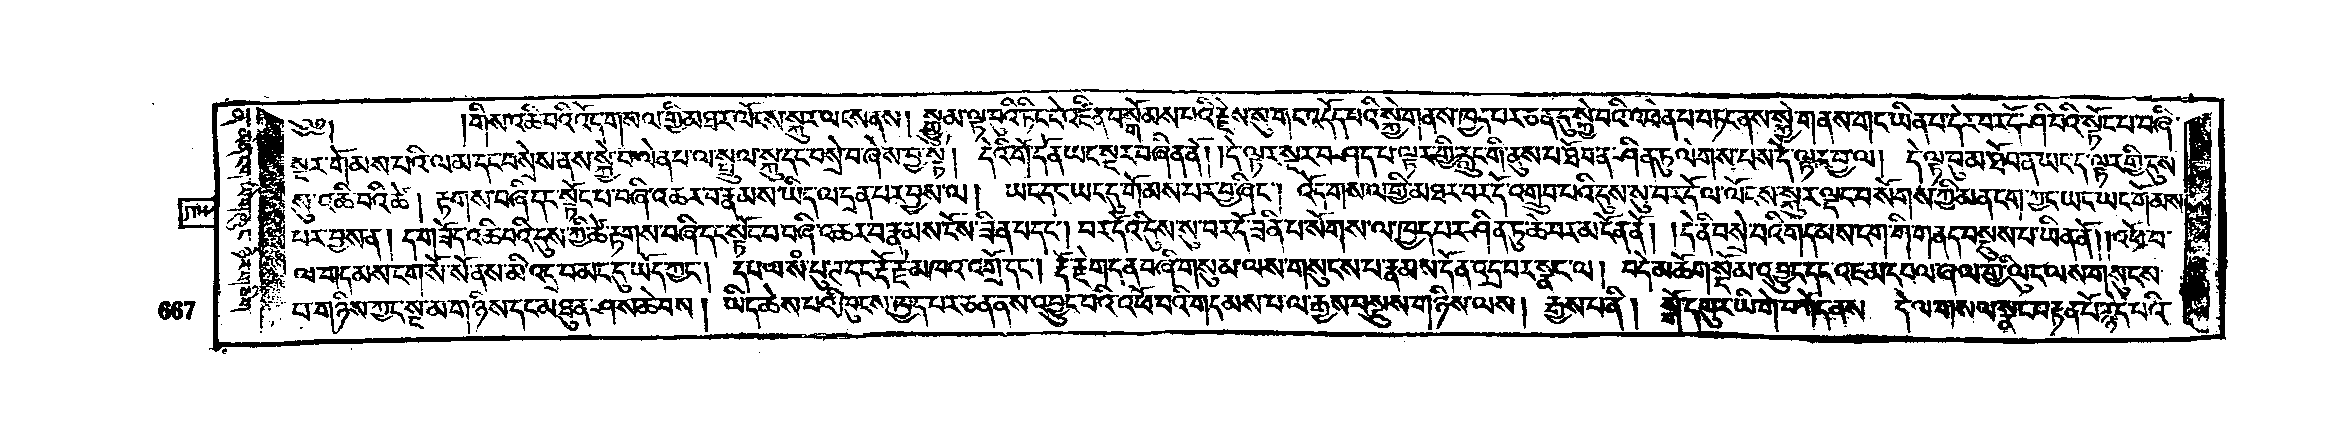༄༅། །གིས་འཆི་བའི་འོད་གསལ་གྱི་མཐར་ལོངས་སྐུར་ལངས་ནས། སྒྱུ་མ་ལྟ་བུའི་ཏིང་ངེ་འཛིན་བསྒོམས་པའི་རྗེས་སུ་གང་འདོད་པའི་སྐྱེ་གནས་ཁྱད་པར་ཅན་དུ་སྐྱེ་བའི་འཕེན་པ་བཏང་ནས་སྐྱེ་གནས་གང་ཡིན་པ་དེར་བར་དོ་ཤི་བའི་སྟོང་པ་བཞི་
སྔར་གོམས་པའི་ལམ་དང་བསྲེས་ནས་སྐྱེ་བ་ལེན་པ་ལ་སྤྲུལ་སྐུ་དང་བསྲེ་བ་ཞེས་བྱ་སྟེ། དེའི་གོ་དོན་ཡང་སྔར་བཞིན་ནོ། །དེ་ལྟར་སྔར་བཤད་པ་ལྟར་གྱི་རླུང་གི་ནུས་པ་ཐོབ་ན་ཤིན་ཏུ་ལེགས་པས་དེ་ལྟར་བྱ་ལ། དེ་ལྟ་བུ་མ་ཐོབ་ན་ཡང་དེ་ལྟར་གྱི་དུས་
སུ་འཆི་བའི་ཚེ། རྟགས་བཞི་དང་སྟོང་པ་བཞི་འཆར་བ་རྣམས་ཡིད་ལ་དྲན་པར་བྱས་ལ། ཡང་དང་ཡང་དུ་གོམས་པར་བྱ་ཞིང་། འོད་གསལ་གྱི་མཐར་བར་དོ་འགྲུབ་པའི་དུས་སུ་བར་དོ་ལ་ལོངས་སྐུར་ལྡང་བ་སོགས་ཀྱི་མན་ངག་ཀྱང་ཡང་ཡང་གོམས་
པར་བྱས་ན། ད་གཟོད་འཆི་བའི་དུས་ཀྱི་ཚེ་རྟགས་བཞི་དང་སྟོང་པ་བཞི་འཆར་བ་རྣམས་ངོས་ཟིན་པ་དང་། བར་དོའི་དུས་སུ་བར་དོ་ཟིན་པ་སོགས་ལ་ཁྱད་པར་ཤིན་ཏུ་ཆེ་བར་མངོན་ནོ། །དེ་ནི་བསྲེ་བའི་གདམས་ངག་གི་གནད་བསྡུས་པ་ཡིན་ནོ། །འཕོ་བ་
ལ་གདམས་ངག་སོ་སོ་ནས་མི་འདྲ་བ་མང་དུ་ཡོད་ཀྱང་། དཔལ་སཾ་པུ་ཊ་དང་རྡོ་རྗེ་མཁའ་འགྲོ་དང་། རྡོ་རྗེ་གདན་བཞི་གསུམ་ལས་གསུངས་པ་རྣམས་དོན་འདྲ་བར་སྣང་ལ། བདེ་མཆོག་སྡོམ་འབྱུང་དང་འཇམ་དཔལ་ཞལ་གྱི་ལུང་ལས་གསུངས་
པ་གཉིས་ཀྱང་སྔ་མ་གཉིས་དང་མཐུན་ཤས་ཆེ་བས། ཡིད་ཆེས་པའི་ཁུངས་ཁྱད་པར་ཅན་ནས་འབྱུང་བའི་འཕོ་བའི་གདམས་པ་ལ་རྒྱས་བསྡུས་གཉིས་ལས། རྒྱས་པ་ནི། སྒོ་དགུར་ཡི་གེ་བཀོད་ནས། དེ་ལ་གསལ་སྣང་བརྟན་པོ་རྙེད་པའི་